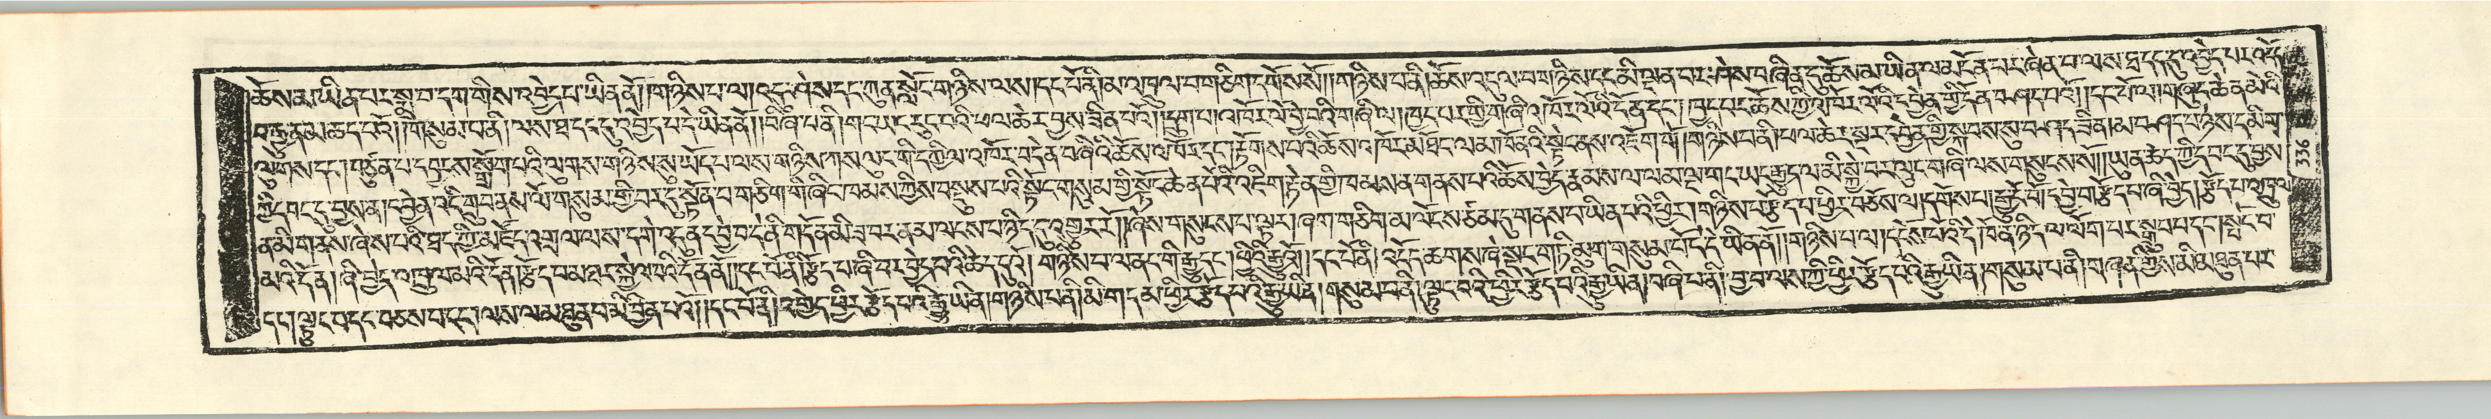ཆོས་མ་ཡིན་པར་སྨྲ་བ་དག་གིས་འབྱེད་པ་ཡིན་ནོ། །གཉིས་པ་ལ། འདུ་ཤེས་དང་ཀུན་སློང་གཉིས་ལས། དང་པོ་ནི། མ་འཁྲུལ་བ་གཅིག་དགོས་སོ། །གཉིས་པ་ནི། ཆོས་འདུལ་བ་གཉིས་དང་མི་ལྡན་པར་ཤེས་བཞིན་དུ་ཆོས་མ་ཡིན་ལ་མངོན་པར་ཞེན་པ་ལས་ཐ་དད་དུ་འབྱེད་པར་འདོད་
བ་རྒྱུན་མ་ཆད་པའོ། །གསུམ་པ་ནི། ལས་ཐ་དད་དུ་འབྱེད་པ་དེ་ཡིན་ནོ། །བཞི་པ་ནི། གང་ཡང་རུང་བའི་ཕལ་ཆེར་བྱས་ཟིན་པའོ། །དྲུག་པ། འཁོར་ལོ་བྱེ་བའི་གཞི་ལ། ཁྱད་པར་གྱི་གཞི་འཁོར་ལོའི་དོན་དང་། ཁྱད་པར་ཆོས་ཀྱི་འཁོར་ལོའི་དབྱེན་གྱི་དོན་བཤད་པའོ། །དང་པོ་ལ། གཞུང་ཆེན་མེའི་
ལུགས་དང་། བཙུན་པ་དབྱངས་སྒྲོག་པའི་ལུགས་གཉིས་སུ་ཡོད་པ་ལས་གཉིས་ཀས་ལུང་གི་དཀྱིལ་འཁོར་བདེན་བཞིའི་ཆོས་འཁོར་དང་། རྟོགས་པའི་ཆོས་འཁོར་མཐོང་ལམ་ཁོ་ནའི་སྟེང་ནས་འཇོག་གོ །གཉིས་པ་ནི། ཕལ་ཆེར་སྔར་དབྱེན་གྱི་སྐབས་སུ་བཤད་ཟིན། མ་བཤད་པ་ཉེས་དམིགས་
ཀྱི་དབང་དུ་བྱས་ན། དབྱེན་འདི་གྲུབ་ནས་ལོ་གསུམ་གྱི་བར་དུ་སྟོན་པ་གཅིག་གི་ཞིང་ཁམས་ཀྱིས་བསྡུས་པའི་སྟོང་གསུམ་གྱི་སྟོང་ཆེན་པོའི་འཇིག་རྟེན་གྱི་ཁམས་ན་གནས་པའི་ཆོས་བྱེད་རྣམས་ལ་ལམ་ལྔ་གང་ཡང་རྒྱུད་ལ་མི་སྐྱེ་བར་ལུང་གཞི་ལས་གསུངས་སོ། །ཡུན་ཆེད་ཀྱི་དབང་དུ་བྱས་
ན་མི་གནས་ཞེས་པའི་ཐད་ཀྱི་མཛོད་འགྲལ་ལས་དགེ་འདུན་དབྱེ་བ་དེ་ནི་གདོན་མི་ཟ་བར་ནམ་ལངས་པ་ཉིད་དུ་འགྱུར་རོ། །ཞེས་གསུངས་པ་ལྟར། ཞག་གཅིག་མ་ལོངས་ཙམ་དུ་གནས་པ་ཡིན་པའི་ཕྱིར། གཉིས་པ་རྩོད་པ་ཕྱིར་བཅོས་ལ། དགོས་པ། རྒྱུ་ངོ་བོ། དབྱེ་བ། རྩོད་པ་ཞི་བྱེད། རྩོད་པ་འཁྲུལ་
མའི་དོན། ཞི་བྱེད་འཁྲུལ་མའི་དོན། རྩོད་པ་མཐར་སྐྱེལ་བའི་དོན་ནོ། །དང་པོ་ནི། རྩོད་པ་ཞི་བར་བྱེད་པའི་ཆེད་དུའོ། །གཉིས་པ་ལ་ནང་གི་རྒྱུ་དང་། ཕྱིའི་རྒྱུའོ། །དང་པོ་ནི། འདོད་ཆགས་ཞེ་སྡང་གཏི་མུག་གསུམ་པོ་དེ་དེ་ཡིན་ནོ། །གཉིས་པ་ལ། དངོས་པོའི་དེ་ཁོ་ན་ཉིད་ལ་ལོག་པར་སྒྲུབ་པ་དང་། སྤོང་པ་
དང་། ལྟུང་བ་དང་བཅས་པ་དང་། ལས་ལ་མཐུན་པ་མི་བྱིན་པའོ། །དང་པོ་ནི། འགྱེད་ཕྱིར་རྩོད་པའི་རྒྱུ་ཡིན། གཉིས་པ་ནི། མི་གདམ་ཕྱིར་རྩོད་པའི་རྒྱུ་ཡིན། གསུམ་པ་ནི། ལྟུང་བའི་ཕྱིར་རྩོད་པའི་རྒྱུ་ཡིན། བཞི་པ་ནི། བྱ་བ་ལས་ཀྱི་ཕྱིར་རྩོད་པའི་རྒྱུ་ཡིན། གསུམ་པ་ནི། གཞན་གྱིས་མི་མཐུན་པར་